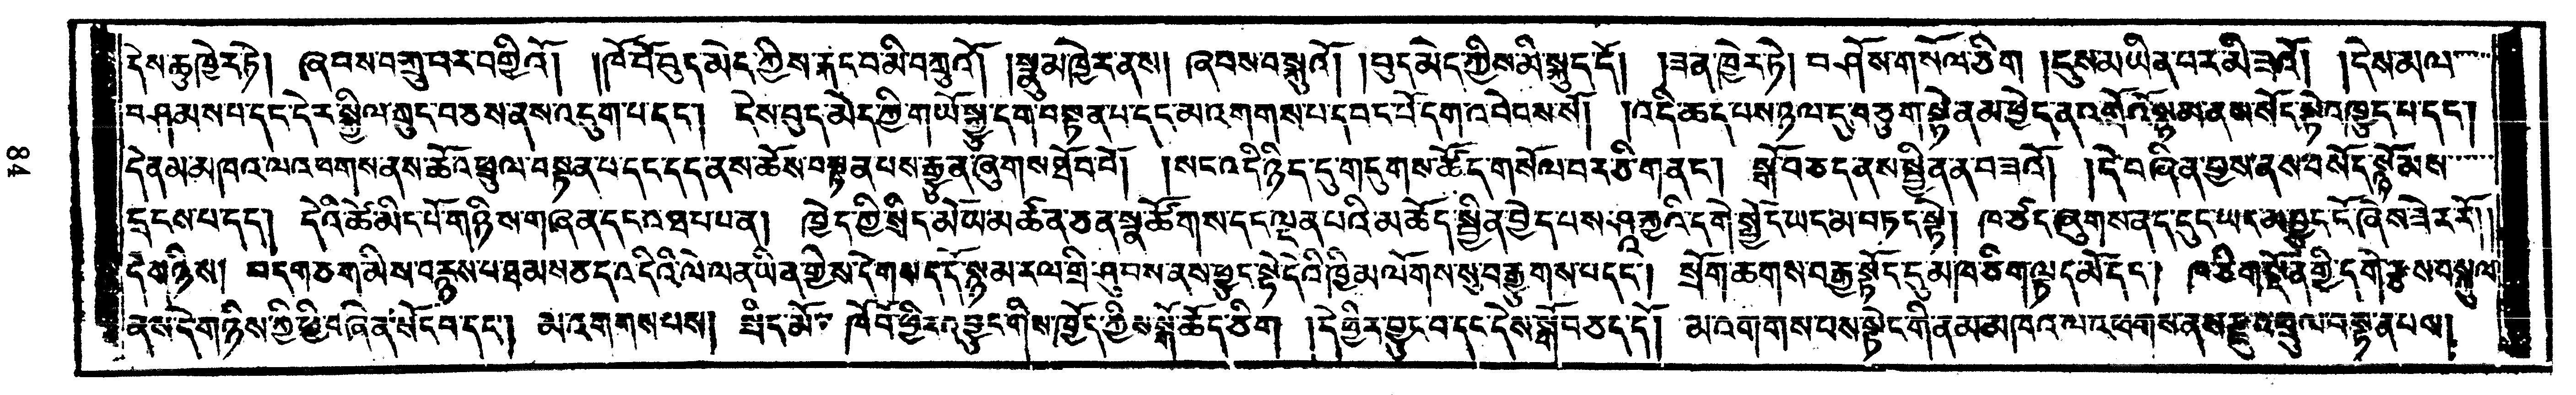དེས་ཆུ་ཁྱེར་ཏེ། ཞབས་བཀྲུ་བར་བགྱིའོ། །ཁོ་བོ་བུད་མེད་ཀྱིས་རྐང་བ་མི་བཀྲུའོ། །སྣུམ་ཁྱེར་ནས། ཞབས་བསྐུའོ། །བུད་མེད་ཀྱིས་མི་སྐུད་དོ། །ཟན་ཁྱེར་ཏེ། བཤོས་གསོལ་ཅིག །དུས་མ་ཡིན་པར་མི་ཟའོ། །དེས་མལ་
བཤམས་པ་དང་དེར་སྐྱིལ་ཀྲུང་བཅས་ནས་འདུག་པ་དང་། དེས་བུད་མེད་ཀྱི་གཡོ་སྒྱུ་དག་བསྟན་པ་དང་མ་འགགས་པ་དབང་པོ་དག་འབེབས་སོ། །འདི་ཆད་པས་ཉལ་དུ་བཅུག་སྟེ་ནམ་ཕྱེད་ན་འགྲོའོ་སྙམ་ནས་སོང་སྟེ་འཁྱུད་པ་དང་།
དེ་ནམ་མཁའ་ལ་འཕགས་ནས་ཆོ་འཕྲུལ་བསྟན་པ་དང་དད་ནས་ཆོས་བསྟན་པས་རྒྱུན་ཞུགས་ཐོབ་བོ། །སང་འདི་ཉིད་དུ་གདུགས་ཚོད་གསོལ་བར་ཅི་གནང་། སྒོ་བཅད་ནས་སྦྱིན་ན་བཟའོ། །དེ་བཞིན་བྱས་ནས་བསོད་སྙོམས་
དྲངས་པ་དད། དེའི་ཚེ་མིང་པོ་གཉིས་གཞན་དང་འཐབ་པ་ན། ཁྱེད་ཀྱི་སྲིད་མོ་ཡ་མཚན་ཅན་སྣ་ཚོགས་དང་ལྡན་པའི་མཆོད་སྦྱིན་བྱེད་པས་ཤཱཀྱའི་དགེ་སྦྱོང་ཡང་མ་བཏང་སྟེ། ཁ་ཙང་ཞུགས་ན་ད་དུང་ཡང་མ་བྱུང་ངོ་ཞེས་ཟེར་རོ།།
དེ་གཉིས། བདག་ཅག་མིས་བརྙས་པ་ཐམས་ཅད་འདིའི་ལེ་ལན་ཡིན་གྱིས་དེ་གསད་དོ་སྙམ་རལ་གྲི་ཤུབས་ནས་ཕྱུང་སྟེ་དེའི་ཁྱིམ་ལོགས་སུ་བརྒྱུགས་པ་དང་། སྲོག་ཆགས་བརྒྱ་སྟོང་དུ་མ་ཁ་ཅིག་ལྟད་མོ་དང་། ཁ་ཅིག་སྔོན་གྱི་དགེ་རྩས་བསྐུལ་
ནས་དེ་གཉིས་ཀྱི་ཕྱི་བཞིན་སོང་བ་དང་། མ་འགགས་པས། སྲིང་མོ༑ ཁོ་བོ་ཕྱིར་འབྱུང་གིས་ཁྱོད་ཀྱིས་སྒོ་ཆོད་ཅིག །དེ་ཕྱིར་བྱུང་བ་དང་དེས་སྒོ་བཅད་དོ། མ་འགགས་པས་སྟེང་གི་ནམ་མཁའ་ལ་འཕགས་ནས་རྫུ་འཕྲུལ་བསྟན་པས།